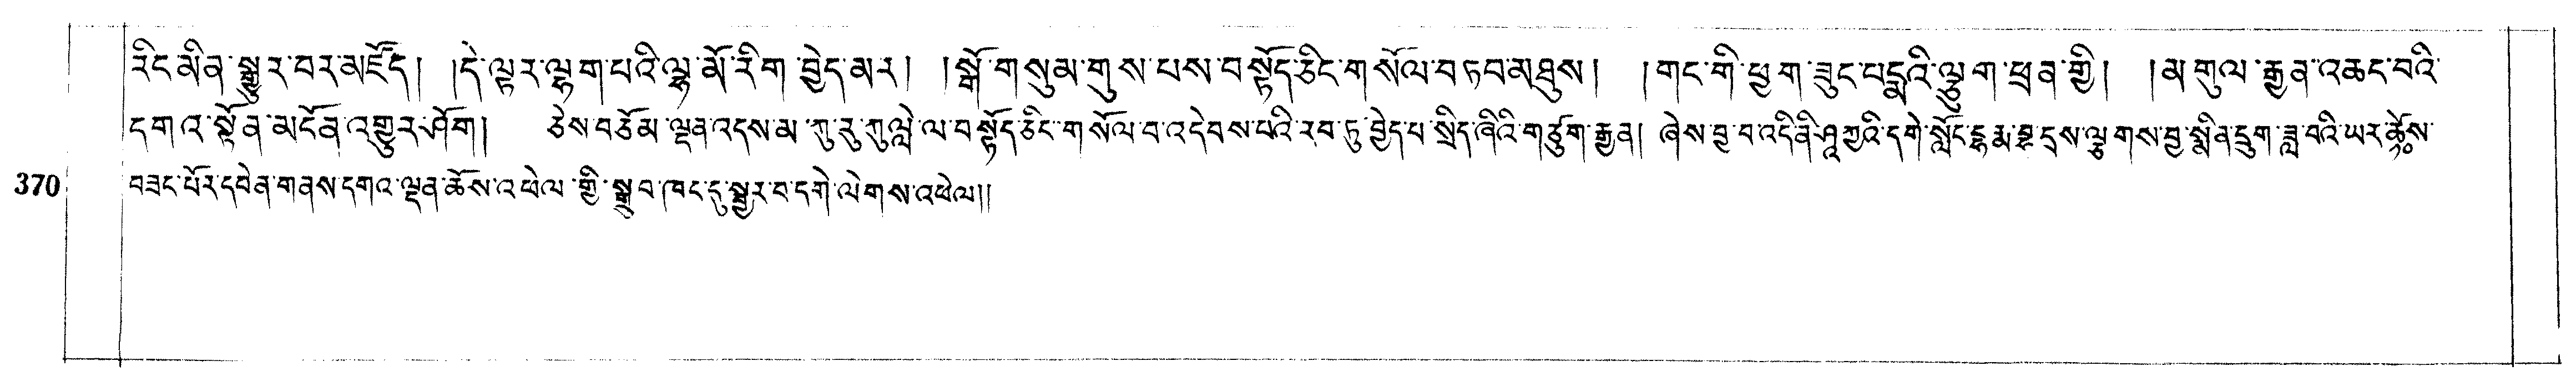རིང་མིན་གྱུར་བར་མཛོད། །དེ་ལྟར་ལྷག་པའི་ལྷ་མོ་རིག་བྱེད་མར། །སྒོ་གསུམ་གུས་པས་བསྟོད་ཅིང་གསོལ་བཏབ་མཐུས། །གང་གི་ཕྱག་ཟུང་པདམའི་ལྕུག་ཕྲན་གྱི། །མགུལ་རྒྱན་འཆང་བའི་
དགའ་སྟོན་མངོན་འགྱུར་ཤོག། ཅེས་བཅོམ་ལྡན་འདས་མ་ཀུ་རུ་ཀུལླེ་ལ་བསྟོད་ཅིང་གསོལ་བ་འདེབས་པའི་རབ་ཏུ་བྱེད་པ་སྲིད་ཞིའི་གཙུག་རྒྱན། ཞེས་བྱ་བ་འདི་ནི་ཤཱཀྱའི་དགེ་སློང་དྷརྨ་བྷ་དྲས་ལྕགས་བྱ་སྨིན་དྲུག་ཟླ་བའི་ཡར་ཚེས ༡༠
བཟང་པོར་དབེན་གནས་དགའ་ལྡན་ཆོས་འཕེལ་གྱི་སྒྲུབ་ཁང་དུ་སྦྱར་བ་དགེ་ལེགས་འཕེལ།།